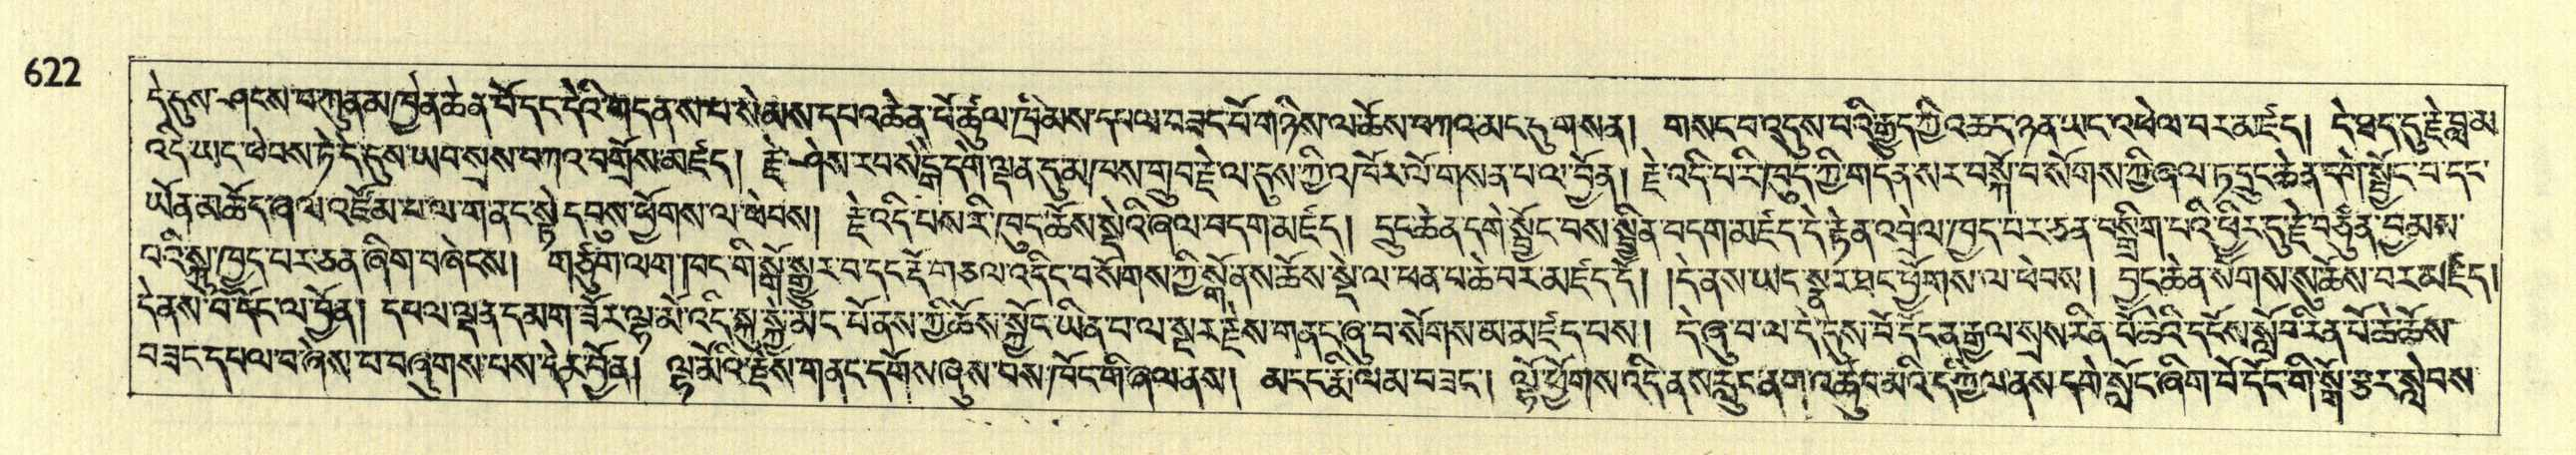དེ་དུས་ཤངས་བ་ཀུན་མཁྱེན་ཆེན་པོ་དང་དེའི་གདན་ས་པ་སེམས་དཔའ་ཆེན་པོ་ཚུལ་ཁྲིམས་དཔལ་བཟང་པོ་གཉིས་ལ་ཆོས་བཀའ་མང་དུ་གསན། གསང་བ་འདུས་པའི་རྒྱུད་ཀྱི་འཆད་ཉན་ཡང་འཕེལ་བར་མཛད། དེ་ཐད་དུ་རྗེ་བླ་མ་
འདི་ཡང་ཕེབས་ཏེ་དེ་དུས་ཡབ་སྲས་བཀའ་བགྲོས་མཛད། རྗེ་ཤེས་རབ་སེངྒེ་དགེ་ལྡན་དུ་མཁས་གྲུབ་རྗེ་ལ་དུས་ཀྱི་འཁོར་ལོ་གསན་པ་ལ་བྱོན། རྗེ་འདི་པ་རི་ཁུད་ཀྱི་གདན་སར་བསྐོ་བ་སོགས་ཀྱི་ཞལ་ཏ་དྲུང་ཆེན་དགེ་སྤྱོང་བ་དང་
ཡོན་མཆོད་ཞལ་འཛོམ་པ་ལ་གནང་སྟེ་དབུས་ཕྱོགས་ལ་ཕེབས། རྗེ་འདི་པས་རི་ཁུད་ཆོས་སྡེའི་ཞལ་བདག་མཛད། དྲུང་ཆེན་དགེ་སྦྱོང་བས་སྦྱིན་བདག་མཛད་དེ་རྟེན་འབྲེལ་ཁྱད་པར་ཅན་བསྒྲིག་པའི་ཕྱིར་དུ་རྗེ་བཙུན་བྱམས་
པའི་སྐུ་ཁྱད་པར་ཅན་ཞིག་བཞེངས། གཙུག་ལག་ཁང་གི་སྒོ་སྒྱུར་བ་དང་རྡོ་གཅལ་འདིང་བ་སོགས་ཀྱི་སྒོ་ནས་ཆོས་སྡེ་ལ་ཕན་པ་ཆེ་བར་མཛད་དོ། །དེ་ནས་ཡང་སྣར་ཐང་ཕྱོགས་ལ་ཕེབས། བྱང་ཆེན་སོགས་སུ་ཆོས་བར་མཛད།
དེ་ནས་བོ་དོང་ལ་བྱོན། དཔལ་ལྡན་དམག་ཟོར་ལྷ་མོ་འདི་སྐུ་སྐྱེ་མང་པོ་ནས་ཀྱི་ཆོས་སྐྱོང་ཡིན་པ་ལ་སྔར་རྗེས་གནང་ཞུ་བ་སོགས་མ་མཛད་པས། དེ་ཞུ་བ་ལ་དེ་དུས་བོ་དང་ན་རྒྱལ་སྲས་རིན་པོ་ཆེའི་དངོས་སློབ་རིན་པོ་ཆེ་ཆོས་
བཟང་དཔལ་བ་ཞེས་པ་བཞུགས་པས་དེར་བྱོན། ལྷ་མོའི་རྗེས་གནང་དགོས་ཞུས་བས་ཁོང་གི་ཞལ་ནས། མདང་རྨི་ལམ་བཟང་། ལྷོ་ཕྱོགས་འདི་ནས་རླུང་ནག་འཚུབ་མའི་དཀྱིལ་ནས་དགེ་སློང་ཞིག་བོ་དོང་གི་སྒོ་རྩར་སླེབས་